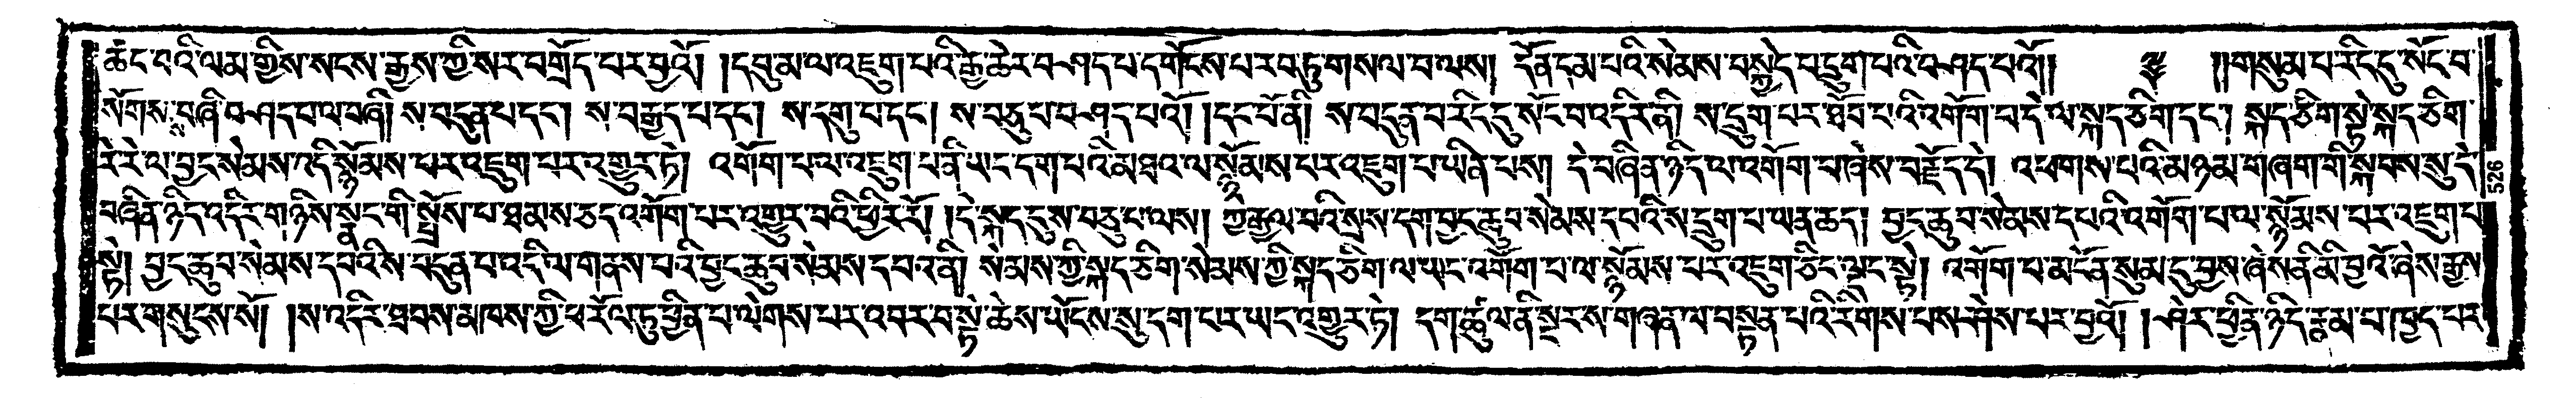ཚང་བའི་ལམ་གྱིས་སངས་རྒྱས་ཀྱི་སར་བགྲོད་པར་བྱའོ། །དབུ་མ་ལ་འཇུག་པའི་རྒྱ་ཆེར་བཤད་པ་དགོངས་པ་རབ་ཏུ་གསལ་བ་ལས། དོན་དམ་པའི་སེམས་བསྐྱེད་པ་དྲུག་པའི་བཤད་པའོ།། ༈ །།གསུམ་པ་རིང་དུ་སོང་བ་
སོགས་བཞི་བཤད་པ་ལ་བཞི། ས་བདུན་པ་དང་། ས་བརྒྱད་པ་དང་། ས་དགུ་པ་དང་། ས་བཅུ་པ་བཤད་པའོ། །དང་པོ་ནི། ས་བདུན་པ་རིང་དུ་སོང་བ་འདིར་ནི། ས་དྲུག་པར་ཐོབ་པའི་འགོག་པ་དེ་ལ་སྐད་ཅིག་དང་། སྐད་ཅིག་སྟེ་སྐད་ཅིག་
རེ་རེ་ལ་བྱང་སེམས་འདི་སྙོམ་པར་འཇུག་པར་འགྱུར་ཏེ། འགོག་པ་ལ་འཇུག་པ་ནི་ཡང་དག་པའི་མཐའ་ལ་སྙོམས་པར་འཇུག་པ་ཡིན་པས། དེ་བཞིན་ཉིད་ལ་འགོག་པ་ཞེས་བརྗོད་དེ། འཕགས་པའི་མཉམ་གཞག་གི་སྐབས་སུ་དེ་
བཞིན་ཉིད་འདིར་གཉིས་སྣང་གི་སྤྲོས་པ་ཐམས་ཅད་འགོག་པར་འགྱུར་བའི་ཕྱིར་རོ། །དེ་སྐད་དུ་ས་བཅུ་པ་ལས། ཀྱེ་རྒྱལ་བའི་སྲས་དག་བྱང་ཆུབ་སེམས་དཔའི་ས་དྲུག་པ་ཡན་ཆད། བྱང་ཆུབ་སེམས་དཔའི་འགོག་པ་ལ་སྙོམས་པར་འཇུག་པ་
སྟེ༑ བྱང་ཆུབ་སེམས་དཔའི་ས་བདུན་པ་འདི་ལ་གནས་པའི་བྱང་ཆུབ་སེམས་དཔའ་ནི། སེམས་ཀྱི་སྐད་ཅིག་སེམས་ཀྱི་སྐད་ཅིག་ལ་ཡང་འགོག་པ་ལ་སྙོམས་པར་འཇུག་ཅིང་ལྡང་སྟེ། འགོག་པ་མངོན་སུམ་དུ་བྱས་ཞེས་ནི་མི་བྱའོ་ཞེས་རྒྱས་
པར་གསུངས་སོ། །ས་འདིར་ཐབས་མཁས་ཀྱི་ཕ་རོལ་ཏུ་ཕྱིན་པ་ལེགས་པར་འབར་བ་སྟེ་ཆེས་ཡོངས་སུ་དག་པར་ཡང་འགྱུར་ཏེ། དག་ཚུལ་ནི་སྔར་ས་གཞན་ལ་བསྟན་པའི་རིགས་པས་ཤེས་པར་བྱའོ། །ཤེར་ཕྱིན་ཉིད་རྣམ་པ་ཁྱད་པར་